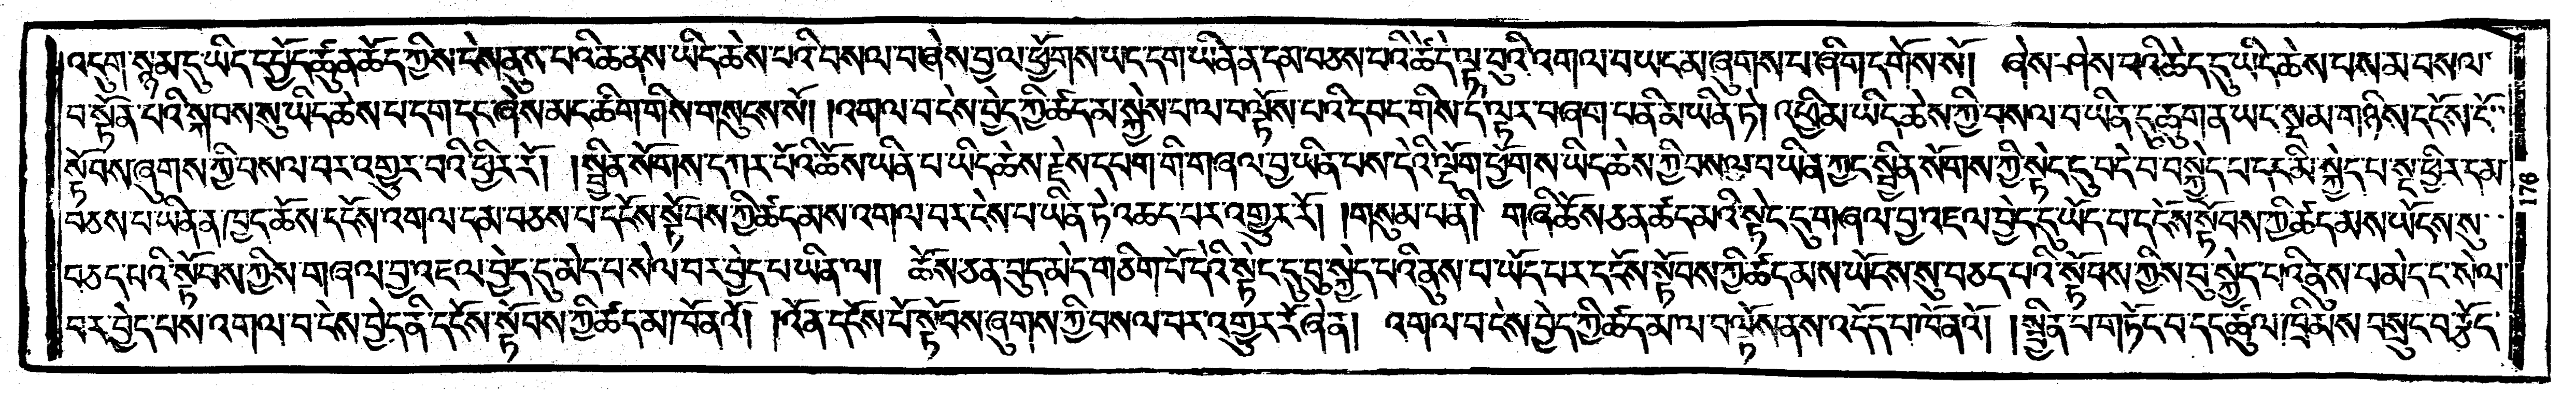འདུག་སྙམ་དུ་ཡིད་དཔྱོད་ཚུན་ཆོད་ཀྱིས་ངེས་ནུས་པའི་ཆ་ནས་ཡིད་ཆེས་པའི་བསལ་བ་ཞེས་བྱ་ལ་ཕྱོགས་ཡང་དག་ཡིན་ན་དམ་བཅས་པའི་ཚེ་དེ་ལྟ་བུའི་འགལ་བ་ཡང་མ་ཞུགས་པ་ཞིག་དོགས་སོ། ཞེས་ཤེས་པའི་ཆེད་དུ་ཡིད་ཆེས་པས་མ་བསལ་
བ་སྟོན་པའི་སྐབས་སུ་ཡིད་ཆེས་པ་དག་དང་ཞེས་མང་ཚིག་གིས་གསུངས་སོ། །འགལ་བ་ངེས་བྱེད་ཀྱི་ཚད་མ་སྐྱེས་པ་ལ་བལྟོས་པའི་དབང་གིས་དེ་ལྟར་བཞག་པ་ནི་མ་ཡིན་ཏེ། འཕྱི་མ་ཡིད་ཆེས་ཀྱི་བསལ་བ་ཡིན་དུ་ཆུག་ན་ཡང་སྔ་མ་གཉིས་དངོས་པོ་
སྟོབས་ཞུགས་ཀྱི་བསལ་བར་འགྱུར་བའི་ཕྱིར་རོ། །སྦྱིན་སོགས་དཀར་པོའི་ཆོས་ཡིན་པ་ཡིད་ཆེས་རྗེས་དཔག་གི་གཞལ་བྱ་ཡིན་པས་དེའི་ལྡོག་ཕྱོགས་ཡིད་ཆེས་ཀྱི་བསལ་བ་ཡིན་ཀྱང་སྦྱིན་སོགས་ཀྱི་སྟེང་དུ་བདེ་བ་བསྐྱེད་པ་དང་མི་སྐྱེད་པ་སྔ་ཕྱིར་དམ་
བཅས་པ་ཡིན་ན་ཁྱད་ཆོས་དངོས་འགལ་དམ་བཅས་པ་དངོས་སྟོབས་ཀྱི་ཚད་མས་འགལ་བར་ངེས་པ་ཡིན་ཏེ་འཆད་པར་འགྱུར་རོ། །གསུམ་པ་ནི། གཞི་ཆོས་ཅན་ཚད་མའི་སྟེང་དུ་གཞལ་བྱ་འཇལ་བྱེད་དུ་ཡོད་པ་དངོས་སྟོབས་ཀྱི་ཚད་མས་ཡོངས་སུ་
བཅད་པའི་སྟོབས་ཀྱིས་གཞལ་བྱ་འཇལ་བྱེད་དུ་མེད་པ་སེལ་བར་བྱེད་པ་ཡིན་ལ། ཆོས་ཅན་བུད་མེད་གཅིག་པོ་དེའི་སྟེང་དུ་བུ་སྐྱེད་པའི་ནུས་པ་ཡོད་པར་དངོས་སྟོབས་ཀྱི་ཚད་མས་ཡོངས་སུ་བཅད་པའི་སྟོབས་ཀྱིས་བུ་སྐྱེད་པའི་ནུས་པ་མེད་པ་སེལ་
བར་བྱེད་པས་འགལ་བ་ངེས་བྱེད་ནི་དངོས་སྟོབས་ཀྱི་ཚད་མ་ཁོ་ནའོ། །འོ་ན་དངོས་པོ་སྟོབས་ཞུགས་ཀྱི་བསལ་བར་འགྱུར་རོ་ཞེ་ན། འགལ་བ་ངེས་བྱེད་ཀྱི་ཚད་མ་ལ་བལྟོས་ནས་འདོད་པ་ཁོ་ནའོ། །སྦྱིན་པ་གཏོང་བ་དང་ཚུལ་ཁྲིམས་བསྲུང་བརྩོད་